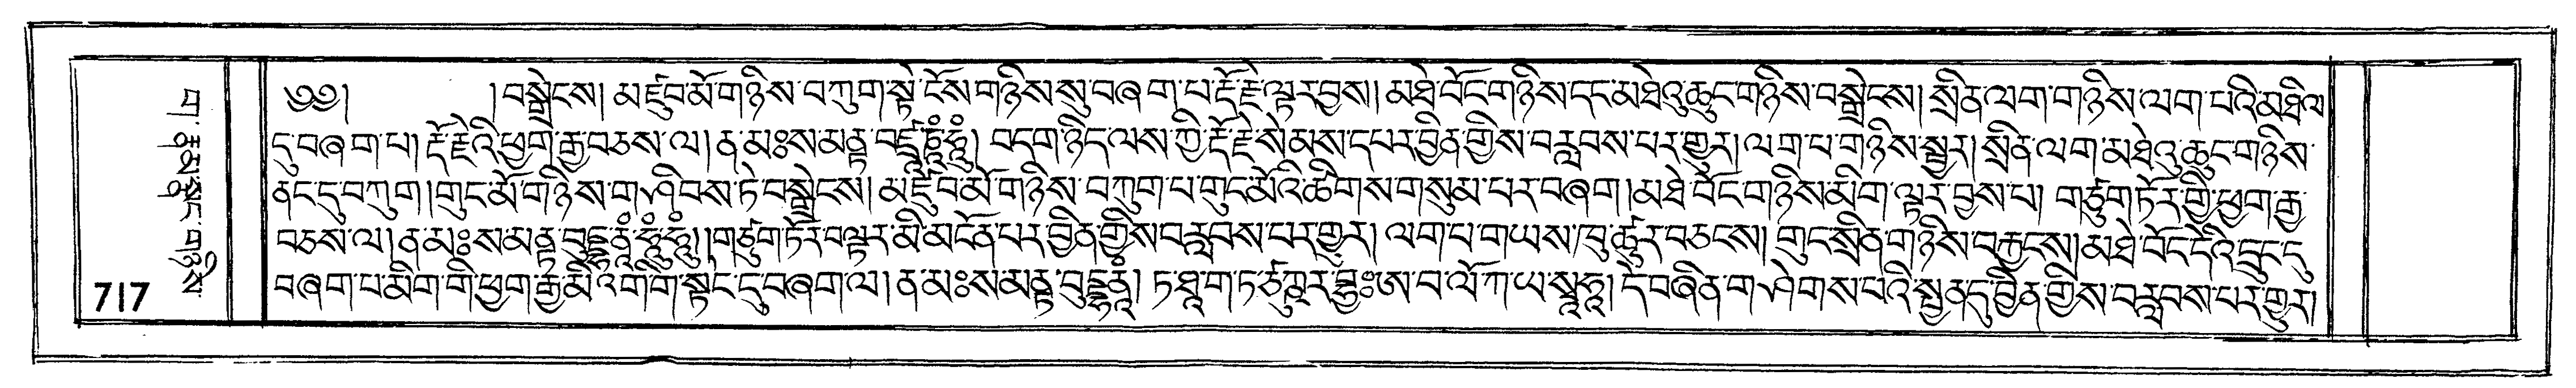༄༅། །བསྒྲེངས། མཛུབ་མོ་གཉིས་བཀུག་སྟེ་ངོས་གཉིས་སུ་བཞག་པ་རྡོ་རྗེ་ལྟར་བྱས། མཐེ་བོང་གཉིས་དང་མཐེའུ་ཆུང་གཉིས་བསྒྲེངས། སྲིན་ལག་གཉིས་ལག་པའི་མཐིལ་
དུ་བཞག་པ། རྡོ་རྗེའི་ཕྱག་རྒྱ་བཅས་ལ། ན་མཿ ས་མནྟ་བཛྲཱ་ཎཱཾ་ཧཱུཾ། བདག་ཉིད་ལས་ཀྱི་རྡོ་རྗེ་སེམས་དཔར་བྱིན་གྱིས་བརླབས་པར་གྱུར། ལག་པ་གཉིས་སྦྱར། སྲིན་ལག་མཐེའུ་ཆུང་གཉིས་
ནང་དུ་བཀུག །གུང་མོ་གཉིས་གཤིབས་ཏེ་བསྒྲེངས། མཛུབ་མོ་གཉིས་བཀུག་པ་གུང་མོའི་ཚིགས་གསུམ་པར་བཞག །མཐེ་བོང་གཉིས་མིག་ལྟར་བྱས་པ། གཙུག་ཏོར་གྱི་ཕྱག་རྒྱ་
བཅས་ལ། ན་མཿ ས་མནྟ་བུདྡྷ་ནཱཾ་ཧཱུཾ་ཧཱུཾ། །གཙུག་ཏོར་བལྟར་མི་མངོན་པར་བྱིན་གྱིས་བརླབས་པར་གྱུར། ལག་པ་གཡས་ཁུ་ཚུར་བཅངས། གུང་སྲིན་གཉིས་བརྐྱངས། མཐེ་བོང་དེའི་དྲུང་དུ་
བཞག་པ་མིག་གི་ཕྱག་རྒྱ་མི་འོག་གི་སྟེང་དུ་བཞག་ལ། ན་མཿ ས་མནྟ་བུདྡྷ་ནཱཾ། ཏ་ཐཱ་ག་ཏ་ཙཀྵུར་བྷྱཿ ཨ་བ་ལོ་ཀ་ཡ་སྭཱཧཱ། དེ་བཞིན་གཤེགས་པའི་སྤྱན་དུ་བྱིན་གྱིས་བརླབས་པར་གྱུར།